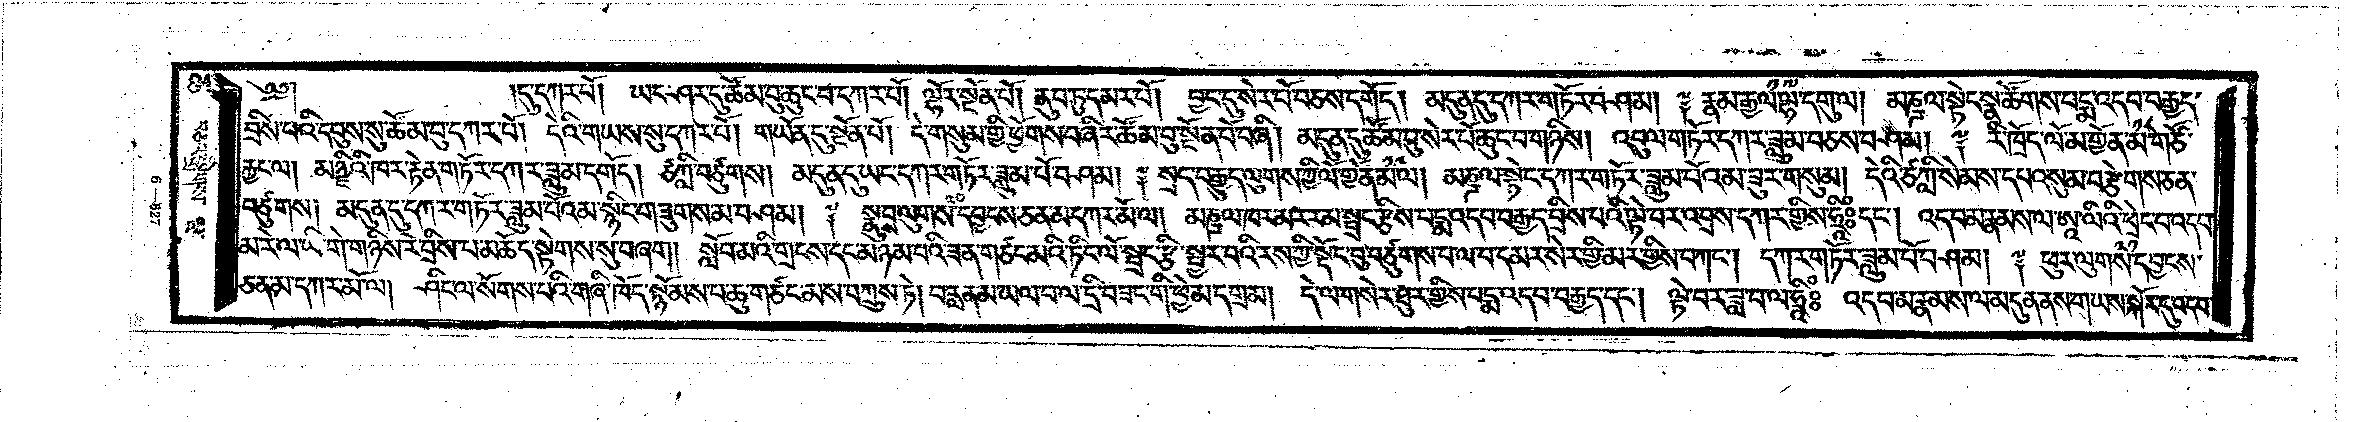༄༅། །དུ་དཀར་པོ། ཡང་ཤར་དུ་ཚོམ་བུ་ཆུང་བ་དཀར་པོ། ལྷོར་སྔོན་པོ། ནུབ་ཏུ་དམར་པོ། བྱང་དུ་སེར་པོ་བཅས་དགོད། མདུན་དུ་དཀར་གཏོར་བཤམ། ༈ རྣམ་རྒྱལ་ལྷ་དགུ་ལ། མཎྜལ་སྟེང་སྣ་ཚོགས་པདམ་འདབ་བརྒྱད་
བྲིས་པའི་དབུས་སུ་ཚོམ་བུ་དཀར་པོ། དེའི་གཡས་སུ་དཀར་པོ། གཡོན་དུ་སྔོན་པོ། དེ་གསུམ་གྱི་ཕྱོགས་བཞིར་ཚོམ་བུ་སྔོན་པོ་བཞི། མདུན་དུ་ཚོམ་བུ་སེར་པོ་ཆུང་བ་གཉིས། འབུལ་གཏོར་དཀར་ཟླུམ་བཅས་བཤམ། ༈ རི་ཁྲོད་ལོ་མ་གྱོན་མ་གཙོ་
རྐྱང་ལ། མཉྫིའི་ཁར་རྟེན་གཏོར་དཀར་ཟླུམ་དགོད། ཙཀླི་བཙུགས། མདུན་དུ་ཡང་དཀར་གཏོར་ཟླུམ་པོ་བཤམ། ༈ སྲད་བརྒྱུད་ལུགས་ཀྱི་ལོ་གྱོན་མ་ལ། མཎྜལ་སྟེང་དཀར་གཏོར་ཟླུམ་པོའམ་ཟུར་གསུམ། དེའི་ཙཀླི་སེམས་དཔའ་སུམ་བརྩེགས་ཅན་
བཙུགས། མདུན་དུ་དཀར་གཏོར་ཟླུམ་པོའམ་སྙིང་གཟུགས་མ་བཤམ། ༈ སྣུབས་ལུགས་དབྱངས་ཅན་མ་དཀར་མོ་ལ། མཎྜལ་ཁར་མར་རམ་སྦྲང་རྩིས་པདམ་འདབ་བརྒྱད་བྲིས་པའི་ལྟེ་བར་འབྲས་དཀར་གྱིས་ཧྲཱིཿ དང་། འདབ་མ་རྣམས་ལ་ཨཱ་ལིའི་ཕྲེང་བ་འདབ་
མ་རེ་ལ་ཡི་གེ་གཉིས་རེ་བྲིས་པ་མཆོད་སྟེགས་སུ་བཞག ། སློབ་མའི་གྲངས་དང་མཉམ་པའི་ཟན་གཙང་མའི་ཏིང་ལོ་སྦྲང་རྩི་སྦྱར་བའི་རས་ཀྱི་སྡོང་བུ་བཙུགས་པ་ལ་བ་དམར་སེར་གྱི་མར་གྱིས་བཀང་། དཀར་གཏོར་ཟླུམ་པོ་བཤམ། ༈ ཕུར་ལུགས་དབྱངས་
ཅན་མ་དཀར་མོ་ལ། ཤིང་ལ་སོགས་བའི་གཞི་ཁོད་སྙོམས་པ་ཆུ་གཙང་མས་བཀྲུས་ཏེ། བརླན་མ་ཡལ་བ་ལ་དྲི་བཟང་གི་ཕྱེ་མ་དགྲམ། དེ་ལ་གསེར་ཐུར་གྱིས་པདམ་འདབ་བརྒྱད་དང་། ལྟེ་བར་ཟླ་བ་ལ་ཧྲཱིཿ འདབ་མ་རྣམས་ལ་མདུན་ནས་གཡས་སྐོར་དུ་འདབ་